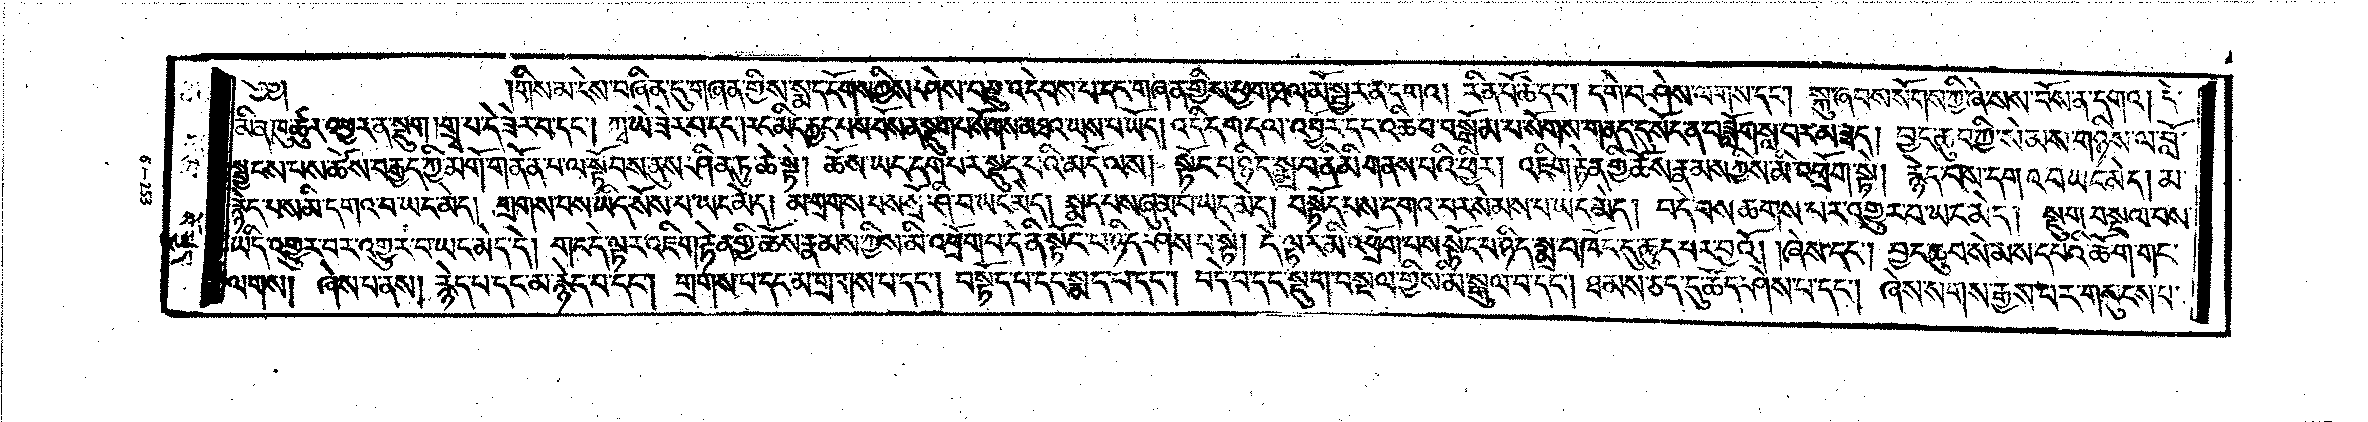༄༅། །གིས་མ་ངེས་བཞིན་དུ་གཞན་གྱིས་སྨད་དོགས་ཀྱིས་ཤེས་བརྫུ་འདེབས་པ་དང་གཞན་གྱིས་ཕྱག་ཐལ་མོ་སྦྱར་ན་དགའ། རིན་པོ་ཆེ་དང་། དགེ་བཤེས་ལགས་དང་། སྐུ་ཞབས་སོགས་ཀྱི་ཞེ་སས་བོས་ན་དགའ། དེ་
མིན་ཁུ་ཚུར་འཕྱར་ན་སྡུག །གྲྭ་པ་དེ་ཟེར་བ་དང་། ཀྭ་ཡེ་ཟེར་བ་དང་། རང་མིང་རྐྱང་པས་བོས་ན་སྡུག་པ་སོགས་མཐའ་ཡས་པ་ཡོད། འདི་དག་དལ་འབྱོར་དང་འཆི་བ་བསྒོམ་པ་སོགས་གནད་དུ་སོང་ན་བཟློག་སླ་བར་མ་ཟད། བྱང་ཆུབ་ཀྱི་སེམས་གཉི་ལ་བློ་
སྦྱངས་པས་ཚེས་བརྒྱད་ཀྱི་མགོ་གནོན་པ་ལ་སྟོབས་ནུས་ཤིན་ཏུ་ཆེ་སྟེ། ཆོས་ཡང་དག་པར་སྡུད་པའི་མདོ་ལས། སྟོང་པ་ཉིད་སྨྲ་བ་ནི་མི་གནས་པའི་ཕྱིར། འཇིག་རྟེན་གྱི་ཆོས་རྣམས་ཀྱིས་མི་འཕྲོག་སྟེ། རྙེད་བས་དགའ་བ་ཡང་མེད། མ་
རྙེད་པས་མི་དགའ་བ་ཡང་མེད། གྲགས་པས་ཡིད་སོས་པ་ཡང་མེད། མ་གྲགས་པས་སྤྲོ་ཤི་བ་ཡང་མེད། སྨད་པས་ཞུམ་པ་ཡང་མེད། བསྟོད་པས་དགའ་བར་སེམས་པ་ཡང་མེད། བདེ་བས་ཆགས་པར་འགྱུར་བ་ཡང་མེད། སྡུག་བསྔལ་བས་
ཡིད་འགྱུར་བར་འགྱུར་བ་ཡང་མེད་དེ། གང་དེ་ལྟར་འཇིག་རྟེན་གྱི་ཆོས་རྣམས་ཀྱིས་མི་འཕྲོག་པ་དེ་ནི་སྟོང་པ་ཉིད་ཤེས་པ་སྟེ། དེ་ལྟར་མི་འཕྲོག་པས་སྟོང་པ་ཉིད་སྨྲ་བ་ཁོང་དུ་ཆུད་པར་བྱའོ། །ཞེས་དང་། བྱང་ཆུབ་སེམས་དཔའི་ཆོ་ག་གང་
ལགས། ཞེས་པ་ནས། རྙེད་པ་དང་མ་རྙེད་པ་དང་། གྲགས་པ་དང་མ་གྲགས་པ་དང་། བསྟོད་པ་དང་སྨད་པ་དང་། བདེ་བ་དང་སྡུག་བསྔལ་གྱིས་མི་སྒྲུལ་བ་དང་། ཐམས་ཅད་དུ་ཚོད་ཤེས་པ་དང་། ཞེས་སངས་རྒྱས་པར་གསུངས་པ་